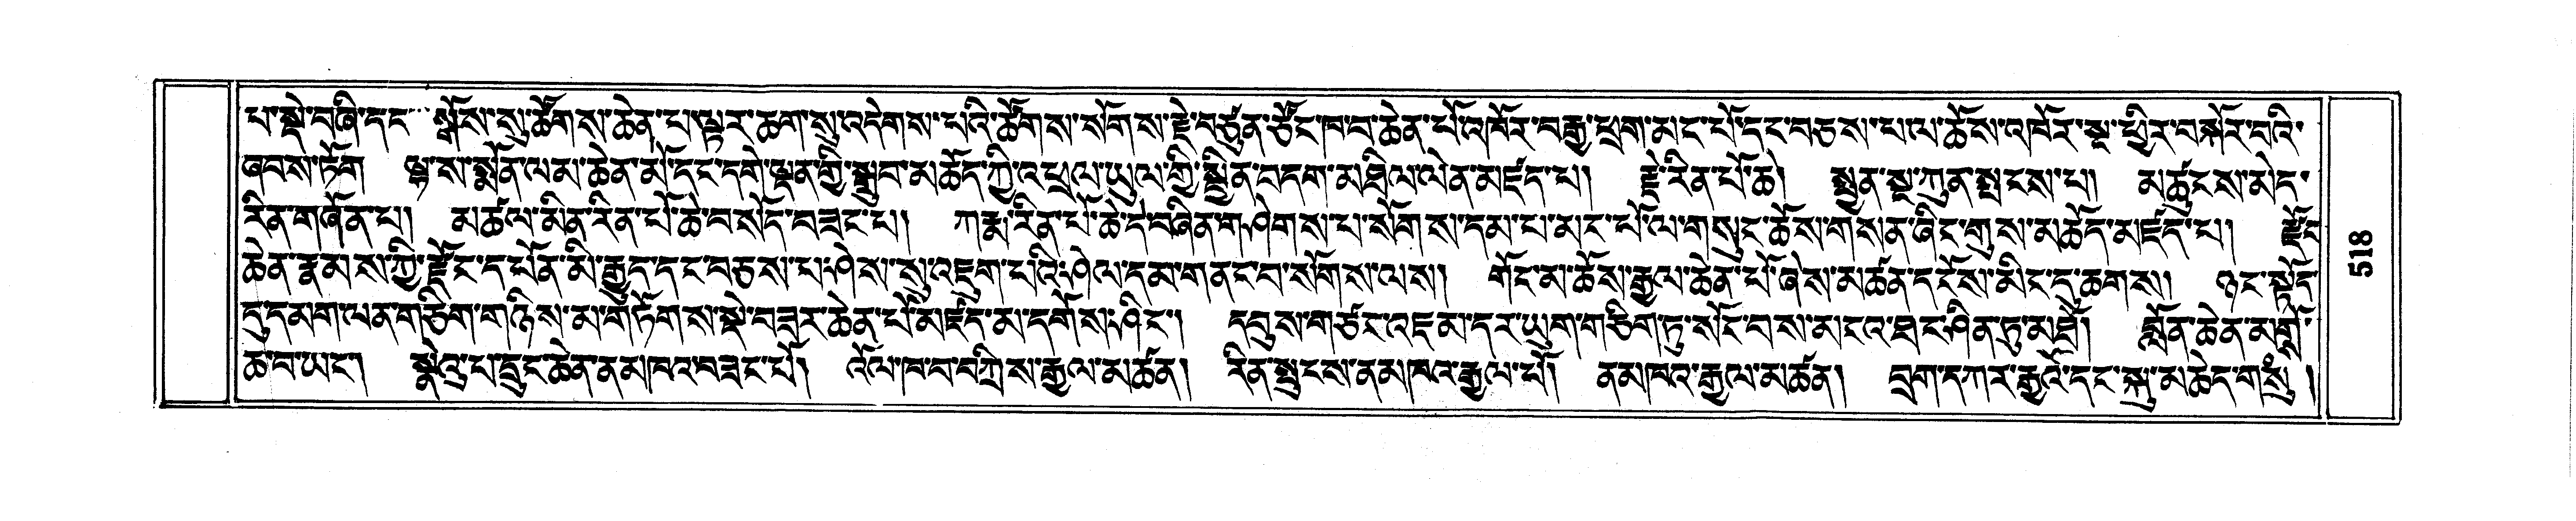པ་སྡེ་བཞི་དང་སྒོས་སུ་ཚོགས་ཆེན་པ་ལྟར་ཆག་སུ་འདེགས་པའི་ཚོགས་སོགས་རྗེ་བཙུན་ཙོང་ཁ་བ་ཆེན་པོ་འཁོར་བརྒྱ་ཕྲག་མང་པོ་དང་བཅས་པ་ལ་ཆོས་འཁོར་སྔ་ཕྱིར་བསྐོར་བའི་
ཞབས་ཏོག་ལྷ་ས་སྨོན་ལམ་ཆེན་མོ་དང་དགེ་ལྡན་གྱི་སྒྲུབ་མཆོད་ཀྱི་འཕྲལ་ཡུལ་གྱི་སྦྱིན་བདག་མཐིལ་ལེན་མཛད་པ། རྗེ་རིན་པོ་ཆེ། སྤྱན་སྔ་ཀུན་སྤངས་པ། མཚུངས་མེད་
རིན་གཞོན་པ། མཚལ་མིན་རིན་པོ་ཆེ་བསོད་བཟང་པ། ཀརྨ་རིན་པོ་ཆེ་དེ་བཞིན་གཤེགས་པ་སོགས་དམ་པ་མང་པོ་ལ་གསུང་ཆོས་གསན་ཞིང་གུས་མཆོད་མཛད་པ། རྫོང་
ཆེན་རྣམས་ཀྱི་རྫོང་དཔོན་མི་རྒྱུད་དང་བཅས་པ་ཤེས་སུ་འཇུག་པའི་ཤེལ་དམ་གནང་བ་སོགས་ལས། གོང་མ་ཆོས་རྒྱལ་ཆེན་པོ་ཞེས་མཚན་དངོས་མིང་དུ་ཆགས། ཉང་སྟོད་
དུ་དམག་ལན་གཅིག་གཉིས་མ་གཏོགས་སྡེ་བཟར་ཆེན་པོ་མཛད་མ་དགོས་ཤིང་། དབུས་གཙང་འཇམ་དར་ཡུག་གཅིག་ཏུ་སོང་བས་མངའ་ཐང་ཤིན་ཏུ་མཐོ། བློན་ཆེན་མགོས་
ཆ་བ་ཡང་། སྣེའུ་པ་དྲུང་ཆེན་ན་མཁའ་བཟང་པོ། འོལ་ཁ་བ་བཀྲིས་རྒྱལ་མཚན། རིན་སྤུངས་ནམཁའ་རྒྱལ་པོ། ནམཁའ་རྒྱལ་མཚན། བྲག་དཀར་རྒྱའོ་དང་སྐུ་མཆེད་གསུཾ།